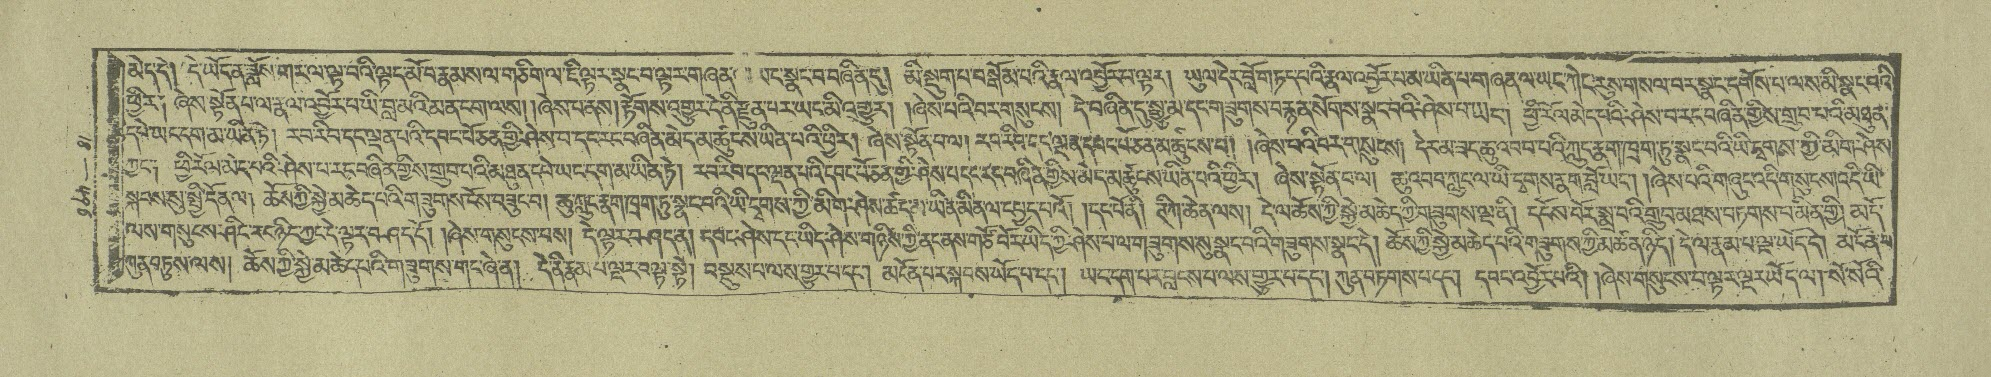མེད་དེ། དེ་ཡོད་ན་ཟློས་གར་ལ་ལྟ་བའི་ལྟོད་མེ་པ་རྣམས་ལ་གཅིག་ལ་ཇི་ལྟར་སྣང་བ་ལྟར་གཞན་ལ་ཡང་སྣང་བ་བཞིན་དུ། མི་སྡུག་པ་བསྒོམ་པའི་རྣལ་འབྱོར་པ་ལྟར། ཡུལ་དེར་བློ་གཏད་པའི་རྣལ་འབྱོར་པ་མ་ཡིན་པ་གཞན་ལ་ཡང་ཀེང་རུས་གསལ་བར་སྣང་དགོས་པ་ལས་མི་སྣང་བའི་
ཕྱིར། ཞེས་སྟོན་པ་ལ་རྣལ་འབྱོར་པ་ཡི་བླ་མའི་མན་ངག་ལས། ཞེས་པ་ནས། རྟོགས་འགྱུར་དེ་ནི་རྫུན་པར་ཡང་མི་འགྱུར། །ཞེས་པའི་བར་གསུངས། དེ་བཞིན་དུ་སྒྱུ་མ་དང་གཟུགས་བརྙན་སོགས་སྣང་བའི་ཤེས་པ་ཡང་། ཕྱི་རོལ་མེད་པའི་ཤེས་པ་རང་བཞིན་གྱིས་གྲུབ་པའི་མཐུན་
དཔེ་ཡང་དག་མ་ཡིན་ཏེ། རབ་རིབ་དང་ལྡན་པའི་དབང་པོ་ཅན་གྱི་ཤེས་པ་དང་རང་བཞིན་མེད་མཚུངས་ཡིན་པའི་ཕྱིར། ཞེས་སྟོན་པ་ལ། རབ་རིབ་དང་ལྡན་དབང་པོ་ཅན་མཚུངས་པ། །ཞེས་པའི་བར་གསུངས། དེར་མ་ཟད་ཆུ་འབབ་པའི་ཀླུང་རྣག་ཁྲག་ཏུ་སྣང་བའི་ཡི་དྭགས་ཀྱི་མིག་ཤེས་
ཀྱང་། ཕྱི་རོལ་མེད་པའི་ཤེས་པ་རང་བཞིན་གྱིས་གྲུབ་པའི་མཐུན་དཔེ་ཡང་དག་མ་ཡིན་ཏེ། རབ་རིབ་དང་ལྡན་པའི་དབང་པོ་ཅན་གྱི་ཤེས་པ་དང་རང་བཞིན་གྱིས་མེད་མཚུངས་ཡིན་པའི་ཕྱིར། ཞེས་སྟོན་པ་ལ། ཆུ་འབབ་ཀླུང་ལ་ཡི་དྭགས་རྣག་བློ་ཡང་། །ཞེས་པའི་གཞུང་འདི་གསུངས། འདི་ཡི་
སྐབས་སུ་སྤྱི་དོན་ལ། ཆོས་ཀྱི་སྐྱེ་མཆེད་པའི་གཟུགས་ངོས་བཟུང་བ། ཆུ་ཀླུང་རྣག་ཁྲག་ཏུ་སྣང་བའི་ཡི་དྭགས་ཀྱི་མིག་ཤེས་ཚད་མ་ཡིན་མིན་ལ་དཔྱད་པའོ། །དང་པོ་ནི། ཊིཀ་ཆེན་ལས། དེ་ལ་ཆོས་ཀྱི་སྐྱེ་མཆེད་ཀྱི་གཟུགས་ལྔ་ནི། དངོས་པོར་སྨྲ་བའི་གྲུབ་མཐས་བཏགས་པ་མིན་གྱི། མདོ་
ལས་གསུངས་ཤིང་རང་ཉིད་ཀྱང་དེ་ལྟར་བཤད་དོ། །ཞེས་གསུངས་པས། དེ་ལྟར་བཤད་ན། དབང་ཤེས་དང་ཡིད་ཤེས་གཉིས་ཀྱི་ནང་ནས་གཙོ་བོར་ཡིད་ཀྱི་ཤེས་པ་ལ་གཟུགས་སུ་སྣང་བའི་གཟུགས་སྣང་དེ། ཆོས་ཀྱི་སྐྱེ་མཆེད་པའི་གཟུགས་ཀྱི་མཚན་ཉིད། དེ་ལ་རྣམ་པ་ལྔ་ཡོད་དེ། མངོན་པ་
ཀུན་བཏུས་ལས། ཆོས་ཀྱི་སྐྱེ་མཆེད་པའི་གཟུགས་གང་ཞེ་ན། དེ་ནི་རྣམ་པ་ལྔར་བལྟ་སྟེ། བསྡུས་པ་ལས་གྱུར་པ་དང་། མངོན་པར་སྐབས་ཡོད་པ་དང་། ཡང་དག་པར་བླངས་པ་ལས་གྱུར་པ་དང་། ཀུན་བཏགས་པ་དང་། དབང་འབྱོར་བའི། །ཞེས་གསུངས་པ་ལྟར་ལྔར་ཡོད་ལ། སོ་སོའི་